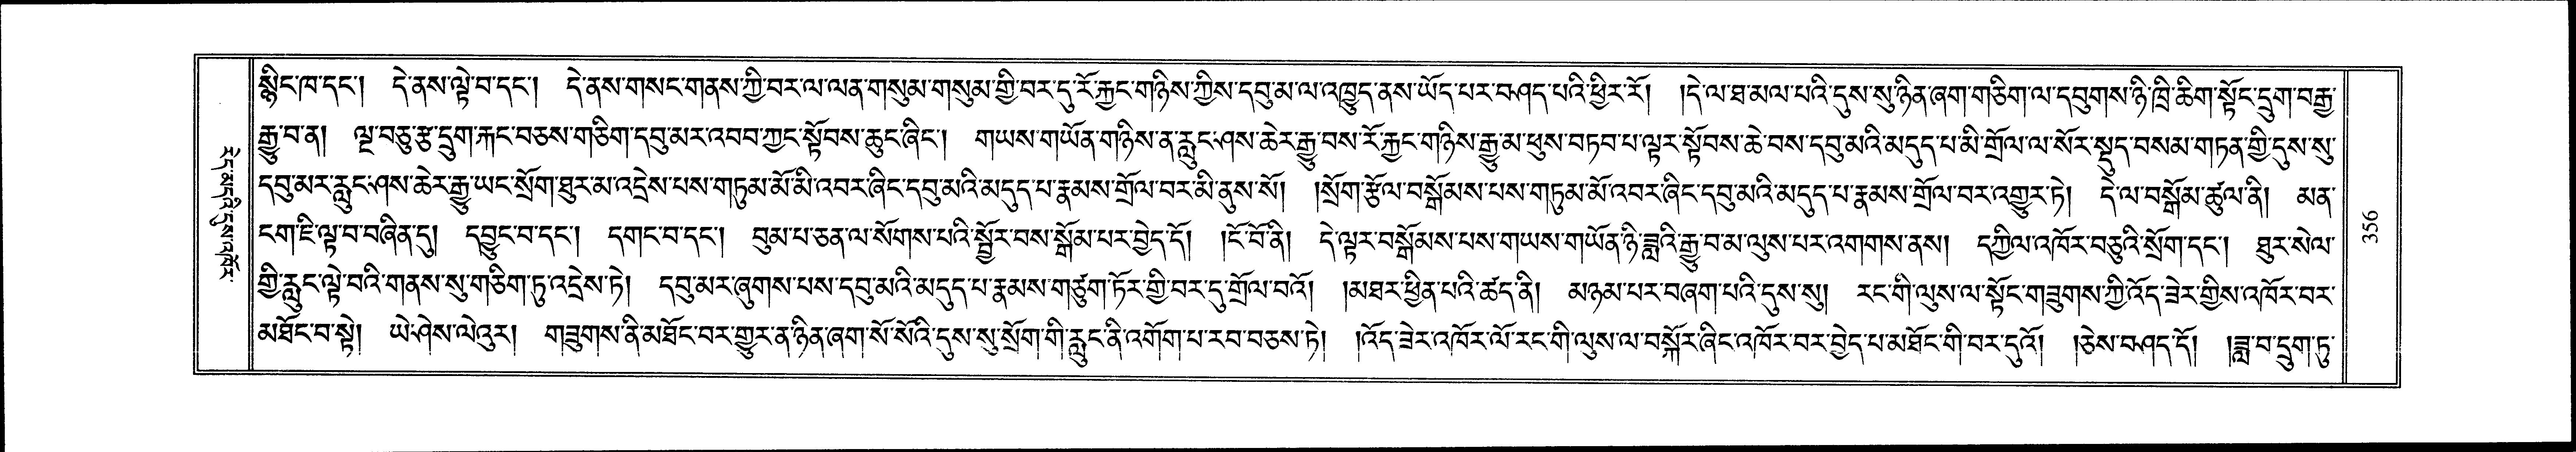སྙིང་ཁ་དང་། དེ་ནས་ལྟེ་བ་དང་། དེ་ནས་གསང་གནས་ཀྱི་བར་ལ་ལན་གསུམ་གསུམ་གྱི་བར་དུ་རོ་རྐྱང་གཉིས་ཀྱིས་དབུ་མ་ལ་འཁྱུད་ནས་ཡོད་པར་བཤད་པའི་ཕྱིར་རོ། །དེ་ལ་ཐ་མལ་པའི་དུས་སུ་ཉིན་ཞག་གཅིག་ལ་དབུགས་ཉི་ཁྲི་ཆིག་སྟོང་དྲུག་བརྒྱ་
རྒྱུ་བ་ན། ལྔ་བཅུ་རྩ་དྲུག་རྐང་བཅས་གཅིག་དབུ་མར་འབབ་ཀྱང་སྟོབས་ཆུང་ཞིང་། གཡས་གཡོན་གཉིས་ན་རླུང་ཤས་ཆེར་རྒྱུ་བས་རོ་རྐྱང་གཉིས་རྒྱུ་མ་ཕུས་བཏབ་པ་ལྟར་སྟོབས་ཆེ་བས་དབུ་མའི་མདུད་པ་མི་གྲོལ་ལ་སོར་སྡུད་བསམ་གཏན་གྱི་དུས་སུ་
དབུ་མར་རླུང་ཤས་ཆེར་རྒྱུ་ཡང་སྲོག་ཐུར་མ་འདྲེས་པས་གཏུམ་མོ་མི་འབར་ཞིང་དབུ་མའི་མདུད་པ་རྣམས་གྲོལ་བར་མི་ནུས་སོ། །སྲོག་རྩོལ་བསྒོམས་པས་གཏུམ་མོ་འབར་ཞིང་དབུ་མའི་མདུད་པ་རྣམས་གྲོལ་བར་འགྱུར་ཏེ། དེ་ལ་བསྒོམ་ཚུལ་ནི། མན་
ངག་ཇི་ལྟ་བ་བཞིན་དུ། དབྱུང་བ་དང་། དགང་བ་དང་། བུམ་པ་ཅན་ལ་སོགས་པའི་སྦྱོར་བས་སྒོམ་པར་བྱེད་དོ། །ངོ་བོ་ནི། དེ་ལྟར་བསྒོམས་པས་གཡས་གཡོན་ཉི་ཟླའི་རྒྱུ་བ་མ་ལུས་པར་འགགས་ནས། དཀྱིལ་འཁོར་བཅུའི་སྲོག་དང་། ཐུར་སེལ་
གྱི་རླུང་ལྟེ་བའི་གནས་སུ་གཅིག་ཏུ་འདྲེས་ཏེ། དབུ་མར་ཞུགས་པས་དབུ་མའི་མདུད་པ་རྣམས་གཙུག་ཏོར་གྱི་བར་དུ་གྲོལ་བའོ། །མཐར་ཕྱིན་པའི་ཚད་ནི། མཉམ་པར་བཞག་པའི་དུས་སུ། རང་གི་ལུས་ལ་སྟོང་གཟུགས་ཀྱི་འོད་ཟེར་གྱིས་འཁོར་བར་
མཐོང་བ་སྟེ། ཡེ་ཤེས་ལེའུར། གཟུགས་ནི་མཐོང་བར་གྱུར་ན་ཉིན་ཞག་སོ་སོའི་དུས་སུ་སྲོག་གི་རླུང་ནི་འགོག་པ་རབ་བཅས་ཏེ། །འོད་ཟེར་འཁོར་ལོ་རང་གི་ལུས་ལ་བསྐོར་ཞིང་འཁོར་བར་བྱེད་པ་མཐོང་གི་བར་དུའོ། །ཅེས་བཤད་དོ། །ཟླ་བ་དྲུག་ཏུ་